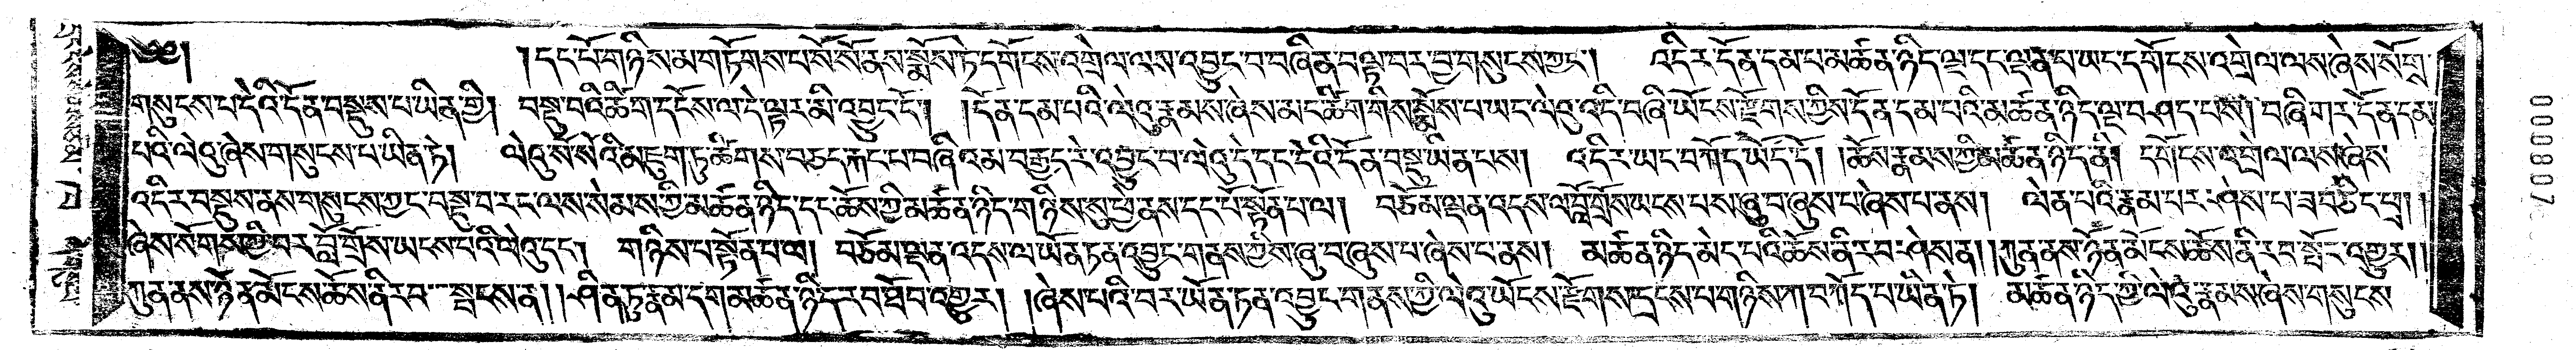༄༅། །དང་པོ་གཉིས་མ་གཏོགས་པ་སོ་སོ་ནས་སྨོས་ཏེ་དགོངས་འགྲེལ་ལས་འབྱུང་བ་བཞིན་བལྟ་བར་བྱ་གསུངས་ཀྱང་། འདིར་དོན་དམ་པ་མཚན་ཉིད་ལྔ་དང་ལྡན་པ་ཡང་དགོངས་འགྲེལ་ལས་ཞེས་སོགས་
གསུངས་པ་དེའི་དོན་བསྡུས་པ་ཡིན་གྱི། བསྡུ་བའི་ཚིག་དངོས་ལ་དེ་ལྟར་མི་འབྱུང་ངོ། །དོན་དམ་པའི་ལེའུ་རྣམས་ཞེས་མང་ཚིག་གིས་སྨོས་པ་ཡང་ལེའུ་འདི་བཞི་ཡོངས་རྫོགས་ཀྱིས་དོན་དམ་པའི་མཚན་ཉིད་ལྔ་བཤད་པས། བཞི་གར་དོན་དམ་
པའི་ལེའུ་ཞེས་གསུངས་པ་ཡིན་ཏེ། ལེའུ་སོ་སོའི་མཇུག་ཏུ་ཚིགས་བཅད་རྐང་པ་བཞིའམ་བརྒྱད་རེ་འབྱུང་བ་ལེའུ་དེ་དང་དེའི་དོན་བསྡུ་ཡིན་པས། འདིར་ཡང་བཀོད་ཡོད་དོ། །ཆོས་རྣམས་ཀྱི་མཚན་ཉིད་ནི། དགོངས་འགྲེལ་ལས་ཞེས་
འདིར་བསྡུས་ནས་གསུངས་ཀྱང་བསྡུ་བ་རང་ལས་སེམས་ཀྱི་མཚན་ཉིད་དང་ཆོས་ཀྱི་མཚན་ཉིད་གཉིས་སུ་ཕྱེ་ནས་དང་པོ་སྟོན་པ་ལ། བཅོམ་ལྡན་འདས་ལ་བློ་གྲོས་ཡངས་པས་ཞུ་བ་ཞུས་པ་ཞེས་པ་ནས། ལེན་པའི་རྣམ་པར་ཤེས་པ་ཟབ་ཅིང་ཕྲ། །
ཞེས་སོགས་ཀྱི་བར་བློ་གྲོས་ཡངས་པའི་ལེའུ་དང་། གཉིས་པ་སྟོན་པ་ལ། བཅོམ་ལྡན་འདས་ལ་ཡོན་ཏན་འབྱུང་གནས་ཀྱིས་ཞུ་བ་ཞུས་པ་ཞེས་པ་ནས། མཚན་ཉིད་མེད་པའི་ཆོས་ནི་རབ་ཤེས་ན། །ཀུན་ནས་ཉོན་མོངས་ཆོས་ནི་རབ་སྤོང་འགྱུར། །
ཀུན་ནས་ཉོན་མོངས་ཆོས་ནི་རབ་སྤངས་ན། །ཤིན་ཏུ་རྣམ་དག་མཚན་ཉིད་རབ་ཐོབ་འགྱུར། །ཞེས་པའི་བར་ཡོན་ཏན་འབྱུང་གནས་ཀྱི་ལེའུ་ཡོངས་རྫོགས་དྲངས་པ་གཉིས་ཀ་བཀོད་པ་ཡིན་ཏེ། མཚན་ཉིད་ཀྱི་ལེའུ་རྣམས་ཞེས་གསུངས་